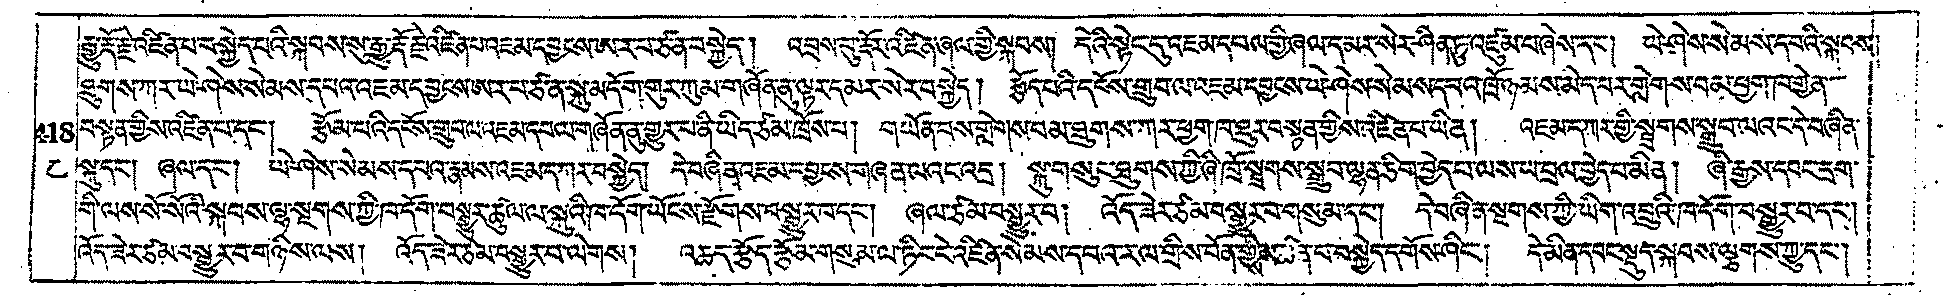རྒྱུ་རྡོ་རྗེ་འཛིན་པ་བསྐྱེད་པའི་སྐབས་སུ་རྒྱུ་རྡོ་རྗེ་འཛིན་པ་འཇམ་དབྱངས་ཨ་ར་པ་ཙ་ན་བསྐྱེད། འབྲས་བུ་རྡོར་འཛིན་ཞལ་གྱི་སྐབས། དེའི་སྟེང་དུ་འཇམ་དཔལ་གྱི་ཞལ་དམར་སེར་ཤིན་ཏུ་འཛུམ་པ་ཞེས་དང་། ཡེ་ཤེས་སེམས་དཔའི་སྐབས་
ཐུགས་ཀར་ཡེ་ཤེས་སེམས་དཔའ་འཇམ་དབྱངས་ཨ་ར་པ་ཙ་ན་སྐུ་མདོག་གུར་ཀུམ་གཞོན་ནུ་ལྟར་དམར་སེར་བསྐྱེད། རྩོད་པའི་དངོས་གྲུབ་ལ་འཇམ་དབྱངས་ཡེ་ཤེས་སེམས་དཔའ་ཁྲོ་ཉམས་མེད་པར་གླེགས་བམ་ཕྱག་ཁ་གྱེན་་་
བསྟན་གྱིས་འཛིན་པ་དང་། རྩོམ་པའི་དངོས་གྲུབ་ལ་འཇམ་དཔལ་གཞོན་ནུ་གྱུར་པ་ནི་ཡིད་ཙམ་ཁྲོས་པ། གཡོན་པས་གླེགས་བམ་ཐུགས་ཀར་ཕྱག་ཁ་ཐུར་བསྟན་གྱིས་འཛིན་པ་ཡིན། འཇམ་དཀར་གྱི་སྦྲགས་སྒྲུབ་ལའང་དེ་བཞིན་
སྐུ་དང་། ཞལ་དང་། ཡེ་ཤེས་སེམས་དཔའ་རྣམས་འཇམ་དཀར་བསྐྱེད། དེ་བཞིན་འཇམ་དབྱངས་གཞན་ལའང་འདྲ། སྐུ་གསུང་ཐུགས་ཀྱི་ཞི་ཁྲོ་སྦྲགས་སྒྲུབ་ལྷན་ཅིག་བྱེད་པ་ལས་ཡ་བྲལ་བྱེད་པ་མིན། ཞི་རྒྱས་དབང་དྲག་
གི་ལས་སོ་སོའི་སྐབས་ལྷ་སྔགས་ཀྱི་ཁ་དོག་བསྒྱུར་ཚུལ་ལ་སྐུའི་ཁ་དོག་ཡོངས་རྫོགས་བསྒྱུར་བ་དང་། ཞལ་ཙམ་བསྒྱུར་བ། འོད་ཟེར་ཙམ་བསྒྱུར་བ་གསུམ་དང་། དེ་བཞིན་སྔགས་ཀྱི་ཡིག་འབྲུའི་ཁ་དོག་བསྒྱུར་བ་དང་།
འོད་ཟེར་ཙམ་བསྒྱུར་བ་གཉིས་ལས། འོད་ཟེར་ཙམ་བསྒྱུར་བ་ལེགས། འཆད་རྩོད་རྩོམ་གསུམ་ལ་ཏིང་ངེ་འཛིན་སེམས་དཔའ་རལ་གྲིས་བོན་གྱིས་མཚན་པ་བསྐྱེད་དགོས་ཤིང་། དེ་མིན་དབང་སྡུད་སྐབས་ལྕགས་ཀྱུ་དང་།